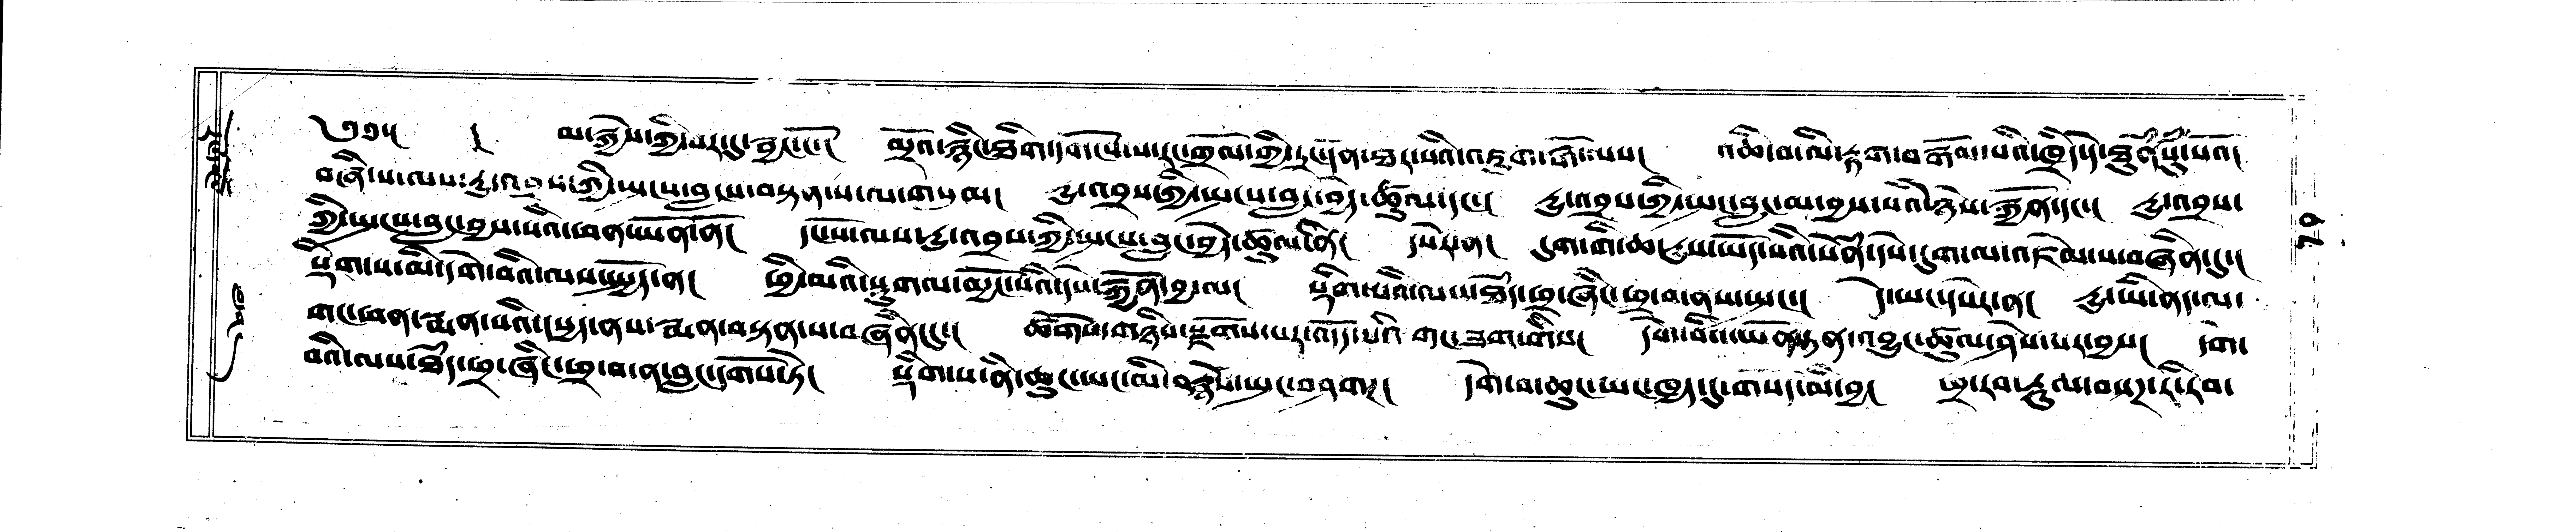མ་སྐྱེས་ཀྱི་བར་དུ་སྦྱང་ངོ་། །མཁའ་འགྲོ་སྙིང་ཐིག་དགོངས་པ་རང་གྲོལ་གྱི་དྲང་དོན་ཐར་པའི་འཇུག་སྒོ་ལས། འཆི་བ་མི་རྟག་པ་བསྒོམ་པའི་ཁྲིད་དེ་ཐུན་མཚམས་བཅུ་གསུམ་པའོ།།
 །།བཞི་པ་ལས་རྒྱུ་འབྲས་ཀྱི་སྤང་བླང་བསྟན་པ་ལ་གསུམ། རྒྱུ་འབྲས་ཀྱི་སྤང་བླང་བྱེད་ཚུལ་དང་། རྒྱུ་འབྲས་ཀྱི་སྤང་བླང་མ་བྱས་པའི་ཉེས་སྐྱོན་དང་། རྒྱུ་འབྲས་
ཀྱི་སྤང་བླང་བྱས་པའི་ཕན་ཡོན་ནོ། །དང་པོ་ལས་རྒྱུ་འབྲས་ཀྱི་སྤང་བླང་བྱེད་ཚུལ་ནི། དཔེར་ན། དུག་གི་ཆ་རྒྱུས་ཡོད་པའི་སེམས་ཅན་དཔེ་དུག་ལ་འཛེམ་པ་བཞིན་དུ། 
སྡིག་པ་མི་དགེ་བའི་ལས་སྤྱོད་ན། ཕྱི་མའི་སྡུག་བསྔལ་མྱོང་བའི་དཔེ་སྐྱོན་བྱ་ལ། སྡིག་པའི་ལས་ཐམས་ཅད་ཕྲ་ཞིང་ཕྲ་བ་ནས་སྤངས། དེ་ཡང་དཔེར་ན། རྒྱུ་ཡི་ནད་ལ་
གང་ཕན་སྨན་པས་དཔྱད་ནས་སྨན་བསྟན་པ་བཞིན་དུ། ཚོགས་གཉིས་རྫོགས་པར་འདོད་པའི་གང་ཟག་གིས། དགེ་བའི་ཡོན་ཏན་འབྱུང་ཚུལ་ཤེས་པར་བྱས། དགེ་
བའི་ལས་ཐམས་ཅད་ཕྲ་ཞིང་ཕྲ་བ་ནས་བླང་དགོས་ཏེ། སྡིག་པ་ནི་ཆུང་ཡང་མི་བརྙས་སྤངས་ཤིང་བཤགས། དགེ་བ་ཆུང་ངུ་ཡང་ཁྱད་དུ་གསོད་མི་བྱ། ཕྲ་རབ་རྡུལ་བསགས་རི་རབ་